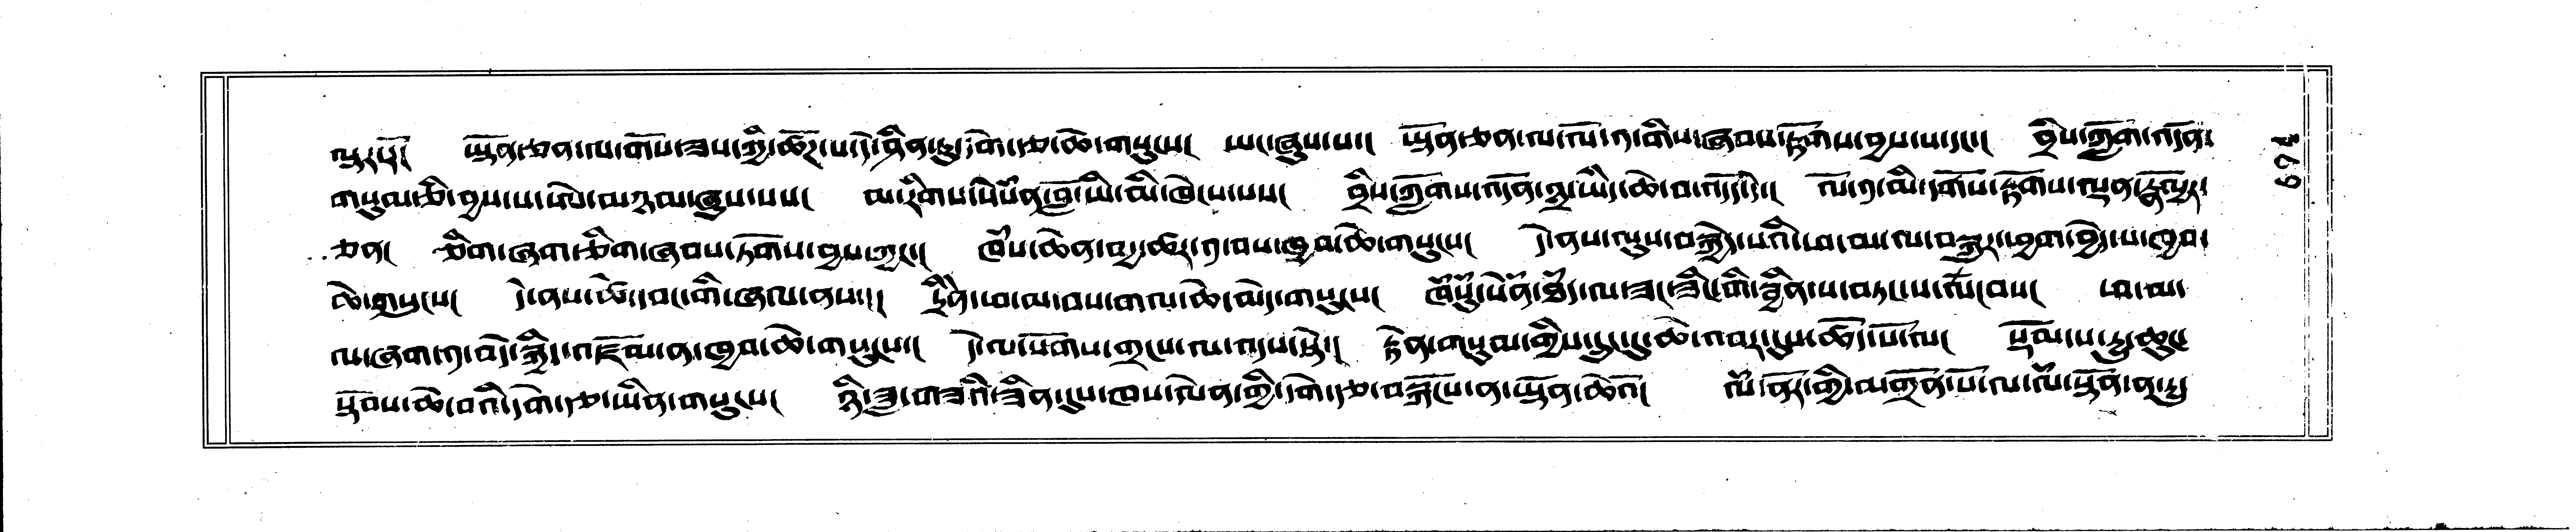འདི་ལྟར་རོ། ཡོན་ཏན་ཅན་ལ་གོས་ཟས་ཀྱིས་ཚོགས་བསགས་པ་དེ་ནི་ཤིན་དུ་དགེ་བའི་ཚོགས་ཆེ་གསུངས། ཡོན་ཏན་ཅན་ལ་ལོ་གཅིག་གཉིས་ཞབས་རྟོགས་༼ཏོག༽བྱས་པ་དང་། བྲིས་ཀློགས་འདོན་
གསུམ་ཅི་བྱས་པ་མཉམ་ཞུས་ཙ། མ་རིག་སེམས་ཅན་བློའི་ཁེང་ནས་བྲིས་ཀློག་འདོན་གསུམ་ཆེ་བར་འདོད་སྟེ། ལོ་གཅིག་གིས་ཞབས་རྟོགས་༼ཏོག༽མི་དགོས། རྟོག་ལྡན་གྱིས་རྣལ་བྱོར་
པ་གཅིག་ལ་ཞབས་ལྟོག་༼ཏོག༽བྱས་ཀྱང་། ཁམས་ཆེན་བརྒྱ་ཚར་གཅིག་བེས་ཁྱབ་ཆེ་གསུངས། དེ་ནས་ལུས་བསྐྱེད་པའི་ཕ་མ་ལ་བཀུར་ཏི་བྱེད་པས་ཁྱབ་
ཆེ་གསུངས། དེ་ལ་ཚེ་དབང་གིས་ཞལ་ནས། དྲིན་ཆེན་གྱིས་ཕ་མ་བེས་བླ་མ་གཉེན་གསུངས། ཡོན་ཏན་ཅན་ལ་བཀུར་ཏི་བྱེད་པ་ནི་རྒྱུ་ཆུང་ལ་ཕན་ཡོན་ཆེའོ། ༼དེ་ནས་ལུས་བསྐྱེད་པའི་ཕ་མ་
ལ་བསྐུར་ཕྱག་བྱེད་པ་ཁྱབ་ཆེ་གསུངས། དེ་ནས་ཚེ་དབང་གི་ཞལ་ནས།། དྲིན་ཆེན་ཕ་མ་བས་གལ་ཆེ་མེད་གསུངས། ཁམས་གསུམ་སེམས་ཅན་ཐམས་ཅད་ལ་ཟང་ཟིང་གི་སྦྱིན་པ་བཏང་པ་བས། ཕ་མ་
ལ་ཞག་གཅིག་བདེ་སྐྱིད་འཛོམ་ན་ཁྱབ་ཆེ་གསུངས། དེ་ལ་སོགས་གྲངས་ལ་འདས་སྟེ། རྟེན་གསུམ་གྱིས་དྲུང་དུ་ཆེ་འབར་དུས་ཚོད་པོ་ལ། སྡོམ་པ་རྒྱུ་ཆུང
་སྟོབས་ཆེ་བའི་དགེ་རྩ་ཡིན་གསུངས། ཉི་ཟླ་གཟའི་ཟིན་དུས་ཁས་ལེན་གྱི་དགེ་རྩ་བསྐོངས་ན་ཡོན་ཏན་ཆེའོ། ལམ་ནོར་གྱི་མགྲོན་པོ་ལ་ལམ་སྟོན་ན་རྒྱུ་